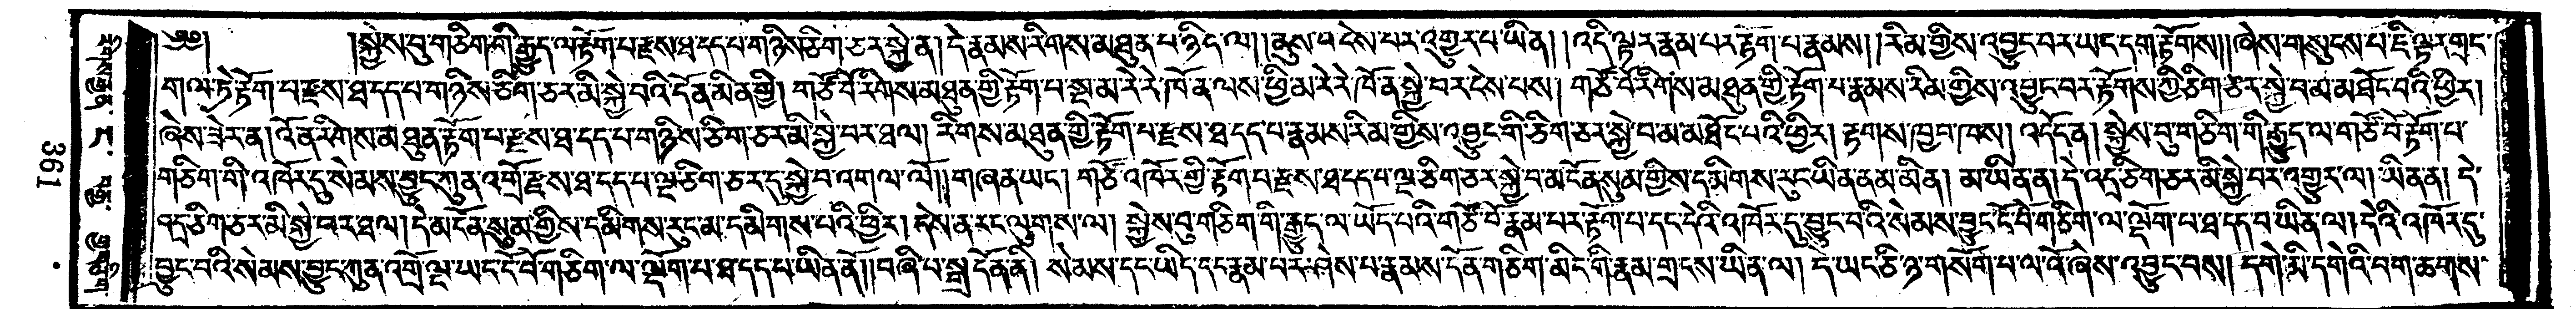༄༅། །སྐྱེས་བུ་གཅིག་གི་རྒྱུད་ལ་རྟོག་པ་རྫས་ཐ་དད་པ་གཉིས་ཅིག་ཅར་སྐྱེ་ན། དེ་རྣམས་རིགས་མཐུན་པ་ཉིད་ལ། །ནུས་པ་ངེས་པར་འགྱུར་བ་ཡིན། །འདི་ལྟར་རྣམ་པར་རྟོག་པ་རྣམས། །རིམ་གྱིས་འབྱུང་བར་ཡང་དག་རྟོགས། །ཞེས་གསུངས་པ་ཇི་ལྟར་གྲང་
གལ་ཏེ་རྟོག་པ་རྫས་ཐ་དད་པ་གཉིས་ཅིག་ཅར་མི་སྐྱེ་བའི་དོན་མིན་གྱི། གཙོ་བོ་རིགས་མཐུན་གྱི་རྟོག་པ་སྔ་མ་རེ་རེ་ཁོ་ན་ལས་ཕྱི་མ་རེ་རེ་ཁོ་ན་སྐྱེ་བར་ངེས་པས། གཙོ་བོ་རིགས་མཐུན་གྱི་རྟོག་པ་རྣམས་རིམ་གྱིས་འབྱུང་བར་རྟོགས་ཀྱི་ཅིག་ཅར་སྐྱེ་བ་མ་མཐོང་བའི་ཕྱིར།
ཞེས་ཟེར་ན། འོ་ན་རིགས་མཐུན་རྟོག་པ་རྫས་ཐ་དད་པ་གཉིས་ཅིག་ཅར་མི་སྐྱེ་བར་ཐལ། རིགས་མཐུན་གྱི་རྟོག་པ་རྫས་ཐ་དད་པ་རྣམས་རིམ་གྱིས་འབྱུང་གི་ཅིག་ཅར་སྐྱེ་བ་མ་མཐོང་བའི་ཕྱིར། རྟགས་ཁྱབ་ཁས། འདོད་ན། སྐྱེས་བུ་གཅིག་གི་རྒྱུད་ལ་གཙོ་བོ་རྟོག་པ་
གཅིག་གི་འཁོར་དུ་སེམས་བྱུང་ཀུན་འགྲོ་རྫས་ཐ་དད་པ་ལྔ་ཅིག་ཅར་དུ་སྐྱེ་བ་འགལ་ལོ། །གཞན་ཡང་། གཙོ་འཁོར་གྱི་རྟོག་པ་རྫས་ཐ་དད་པ་ལྔ་ཅིག་ཅར་སྐྱེ་བ་མངོན་སུམ་གྱིས་དམིགས་རུང་ཡིན་ནམ་མིན། མ་ཡིན་ན། ད་འདྲ་ཅིག་ཅར་མི་སྐྱེ་བར་འགྱུར་ལ། ཡིན་ན། དེ་
འདྲ་ཅིག་ཅར་མི་སྐྱེ་བར་ཐལ། དེ་མངོན་སུམ་གྱིས་དམིགས་རུང་མ་དམིགས་པའི་ཕྱིར། དེས་ན་རང་ལུགས་ལ། སྐྱེས་བུ་གཅིག་གི་རྒྱུད་ལ་ཡོད་པའི་གཙོ་བོ་རྣམ་པར་རྟོག་པ་དང་དེའི་འཁོར་དུ་བྱུང་བའི་སེམས་བྱུང་ངོ་བོ་གཅིག་ལ་ལྡོག་པ་ཐ་དད་པ་ཡིན་ལ། དེའི་འཁོར་དུ་
བྱུང་བའི་སེམས་བྱུང་ཀུན་འགྲོ་ལྔ་ཡང་ངོ་བོ་གཅིག་ལ་ལྡོག་པ་ཐ་དད་པ་ཡིན་ནོ། །བཞི་པ་སྒྲ་དོན་ནི། སེམས་དང་ཡིད་དང་རྣམ་པར་ཤེས་པ་རྣམས་དོན་གཅིག་མིང་གི་རྣམ་གྲངས་ཡིན་ལ། དེ་ཡང་ཅི་ཉ་གསོག་པ་ལ་འོ་ཞེས་འབྱུང་བས། དགེ་མི་དགེའི་བག་ཆགས་